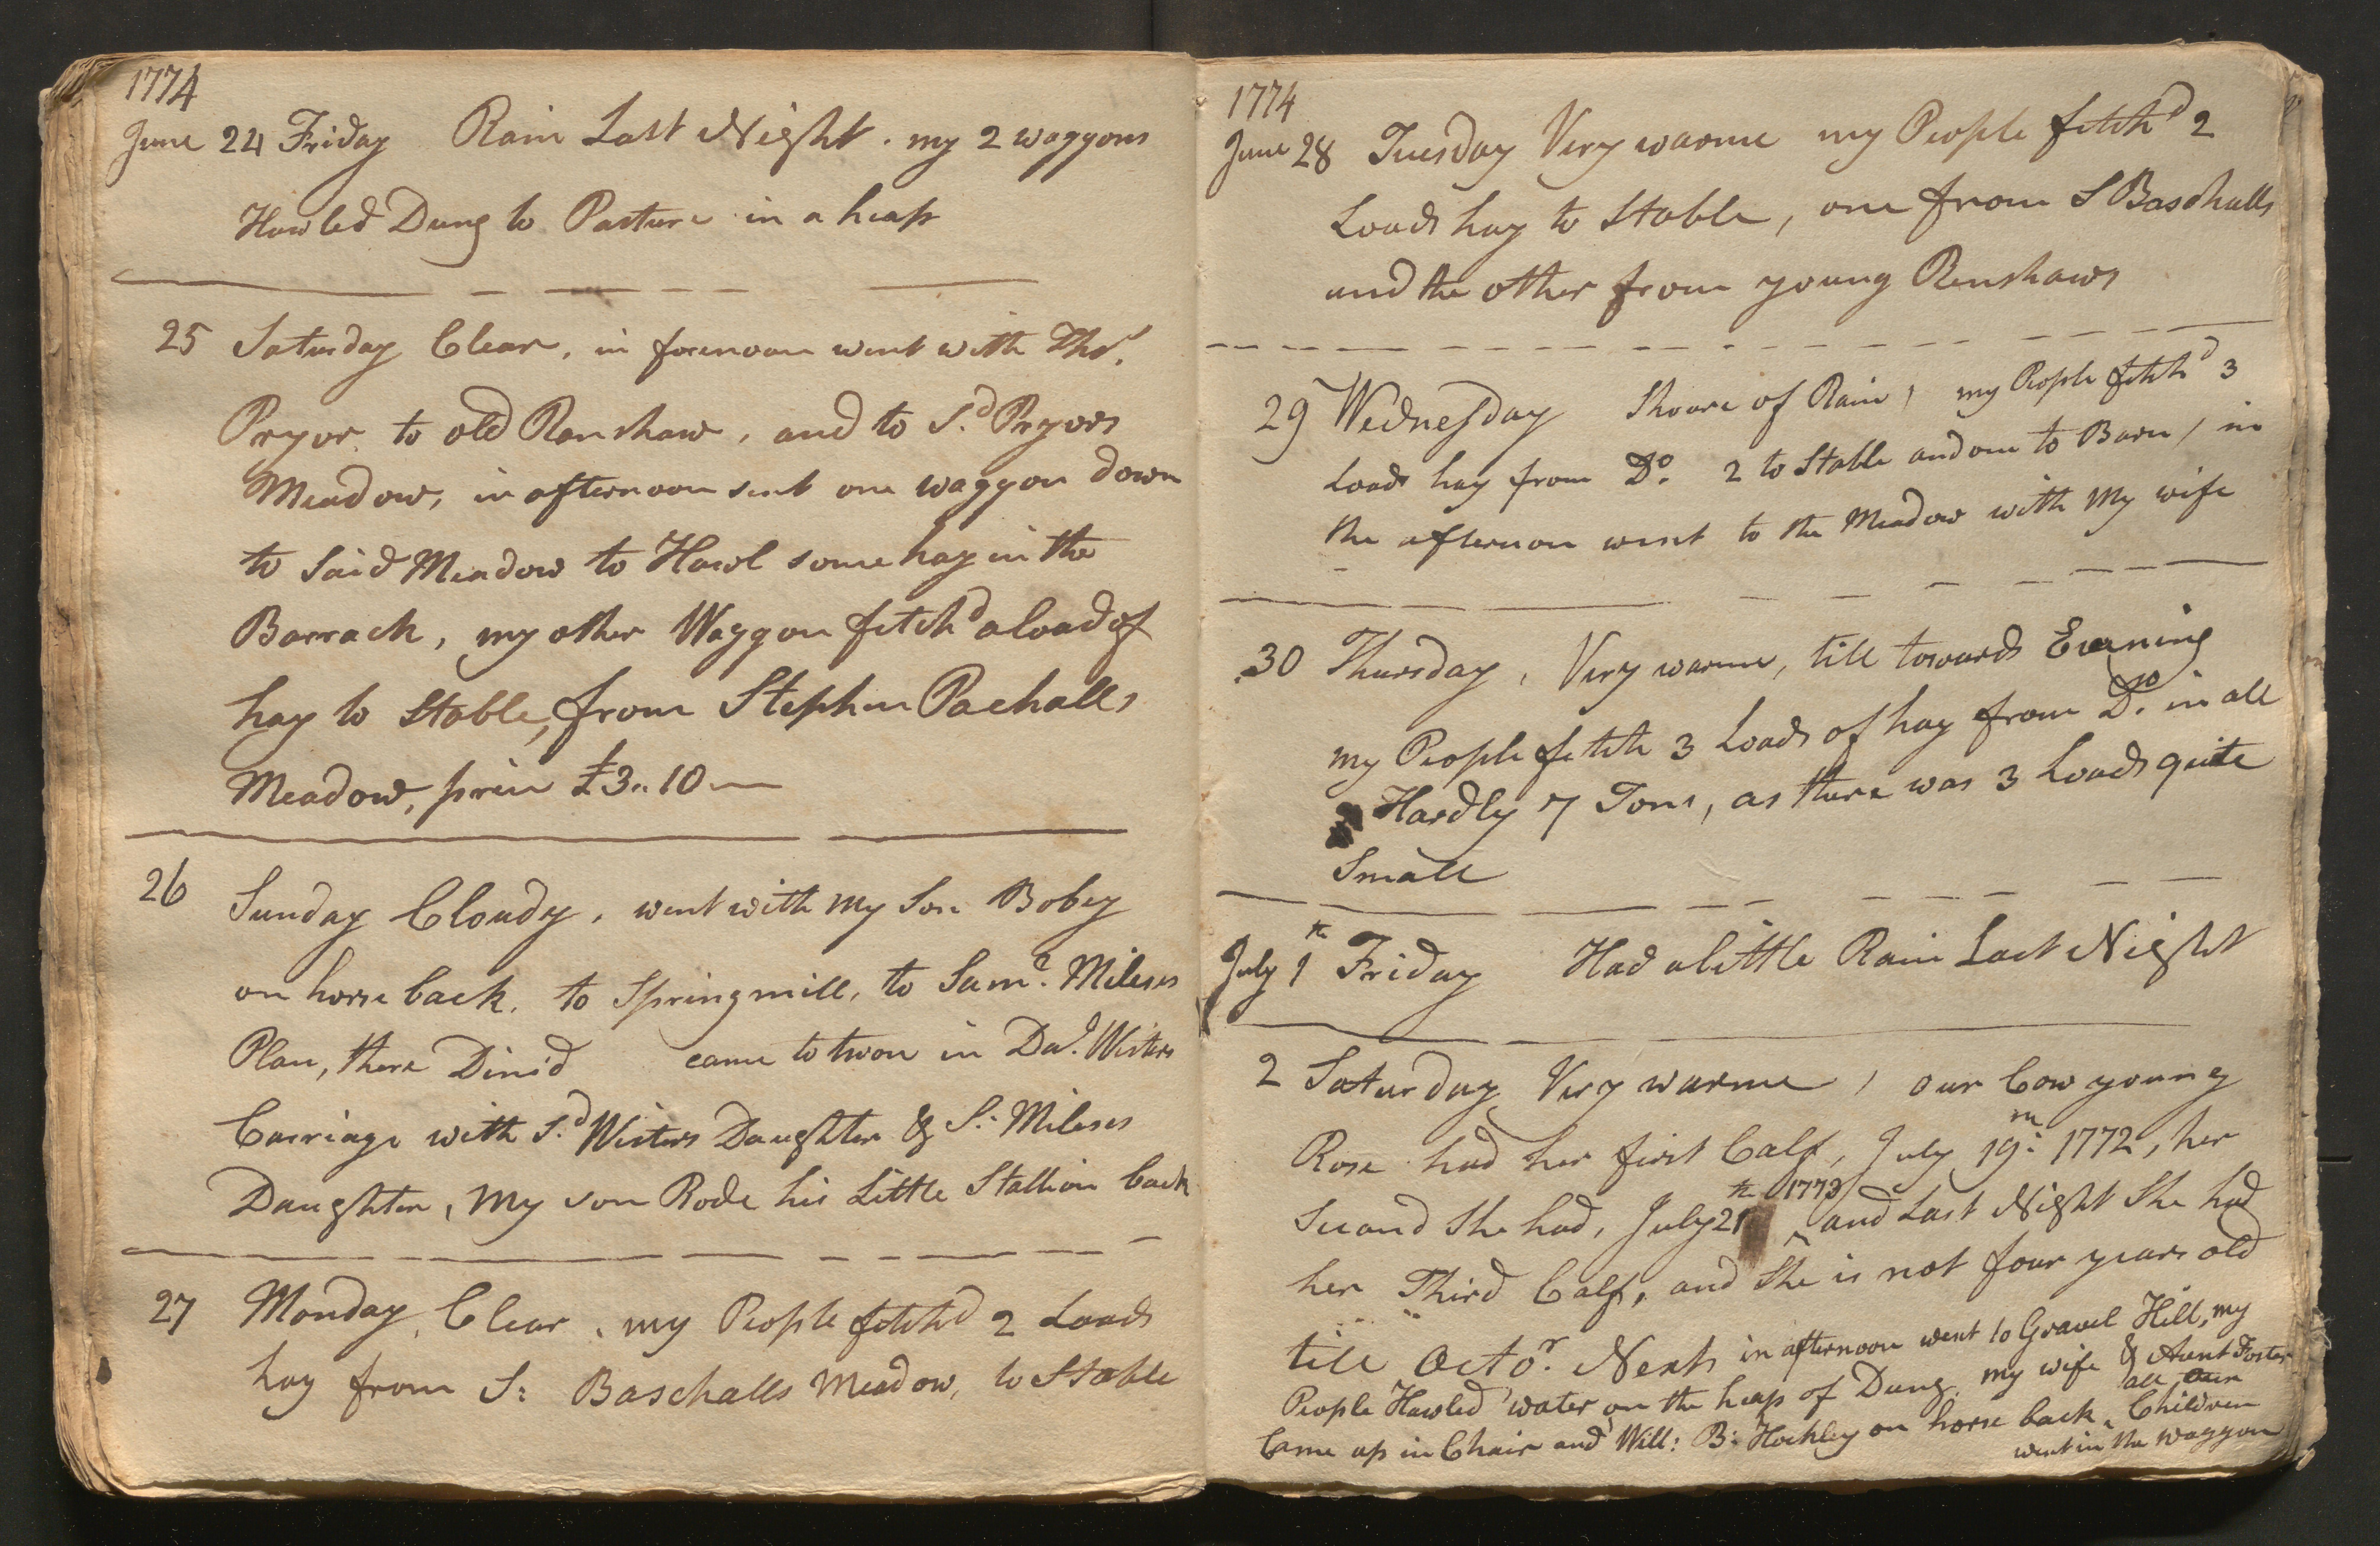1774
June 24 Friday Rain Last Night. my 2 waggons
Hawled Dung to Pasture in a heap
25 Saturday, Clear, in forenoon went with Tho^s.
Pryor to old Renshaw, and to s^d. Pryors
Meadow, in afternoon sent one waggon down
to said Meadow to Hawl some hay in the
Barrack, my other Waggon fetch^d a load of
hay to Stable, from Stephen Pachalls
Meadow, price £3..10-
26 Sunday Cloudy, went with My Son Bobey
on horse back. to Springmill, to Sam^l. Mileses
Plan, there Dined came to twon in Da^l. Wisters
Carriage with s^d. Wisters Daughter & S^d. Mileses
Daughter, My son Rode his Little Stallion back
27 Monday, Clear my People fetchd 2 Loads
hay from S: Baschalls Meadow, to Stable
June 28 Tuesday Very warme my People fetch^d 2
1774
Loads hay to Stable, one from S Baschalls
and the other from young Renshaws
29 Wednesday Shoure of Rain, my Peoph fetch^d 3
Loads hay from D^o. 2 to Stable and one to Barn, in
the afternoon went to the Meadow with my wife
30 Thursday. Very warme, till towards Evening
my People fetch 3 Loads of hay from D^o. in all
Hardly 7 Tons, as there was 3 Loads quite
Small
July 1^th Friday Had a little Rain Last Night
2 Saturday Very warme, our Cow young
Rose had her firdt Calf, July 19^th. 1772, her
second she had, July 21^th ^ and Last Night she had
1773
her Third Calf, and she is not four years old
till Octo^r. Next in afternoon went to Gravel Hill, my
People Hawled water on the heaps of Dung my wife & Aunt Foster
ace own
Come up in Chair and Will: B: Hockley on horse back, Children
went in the waggon